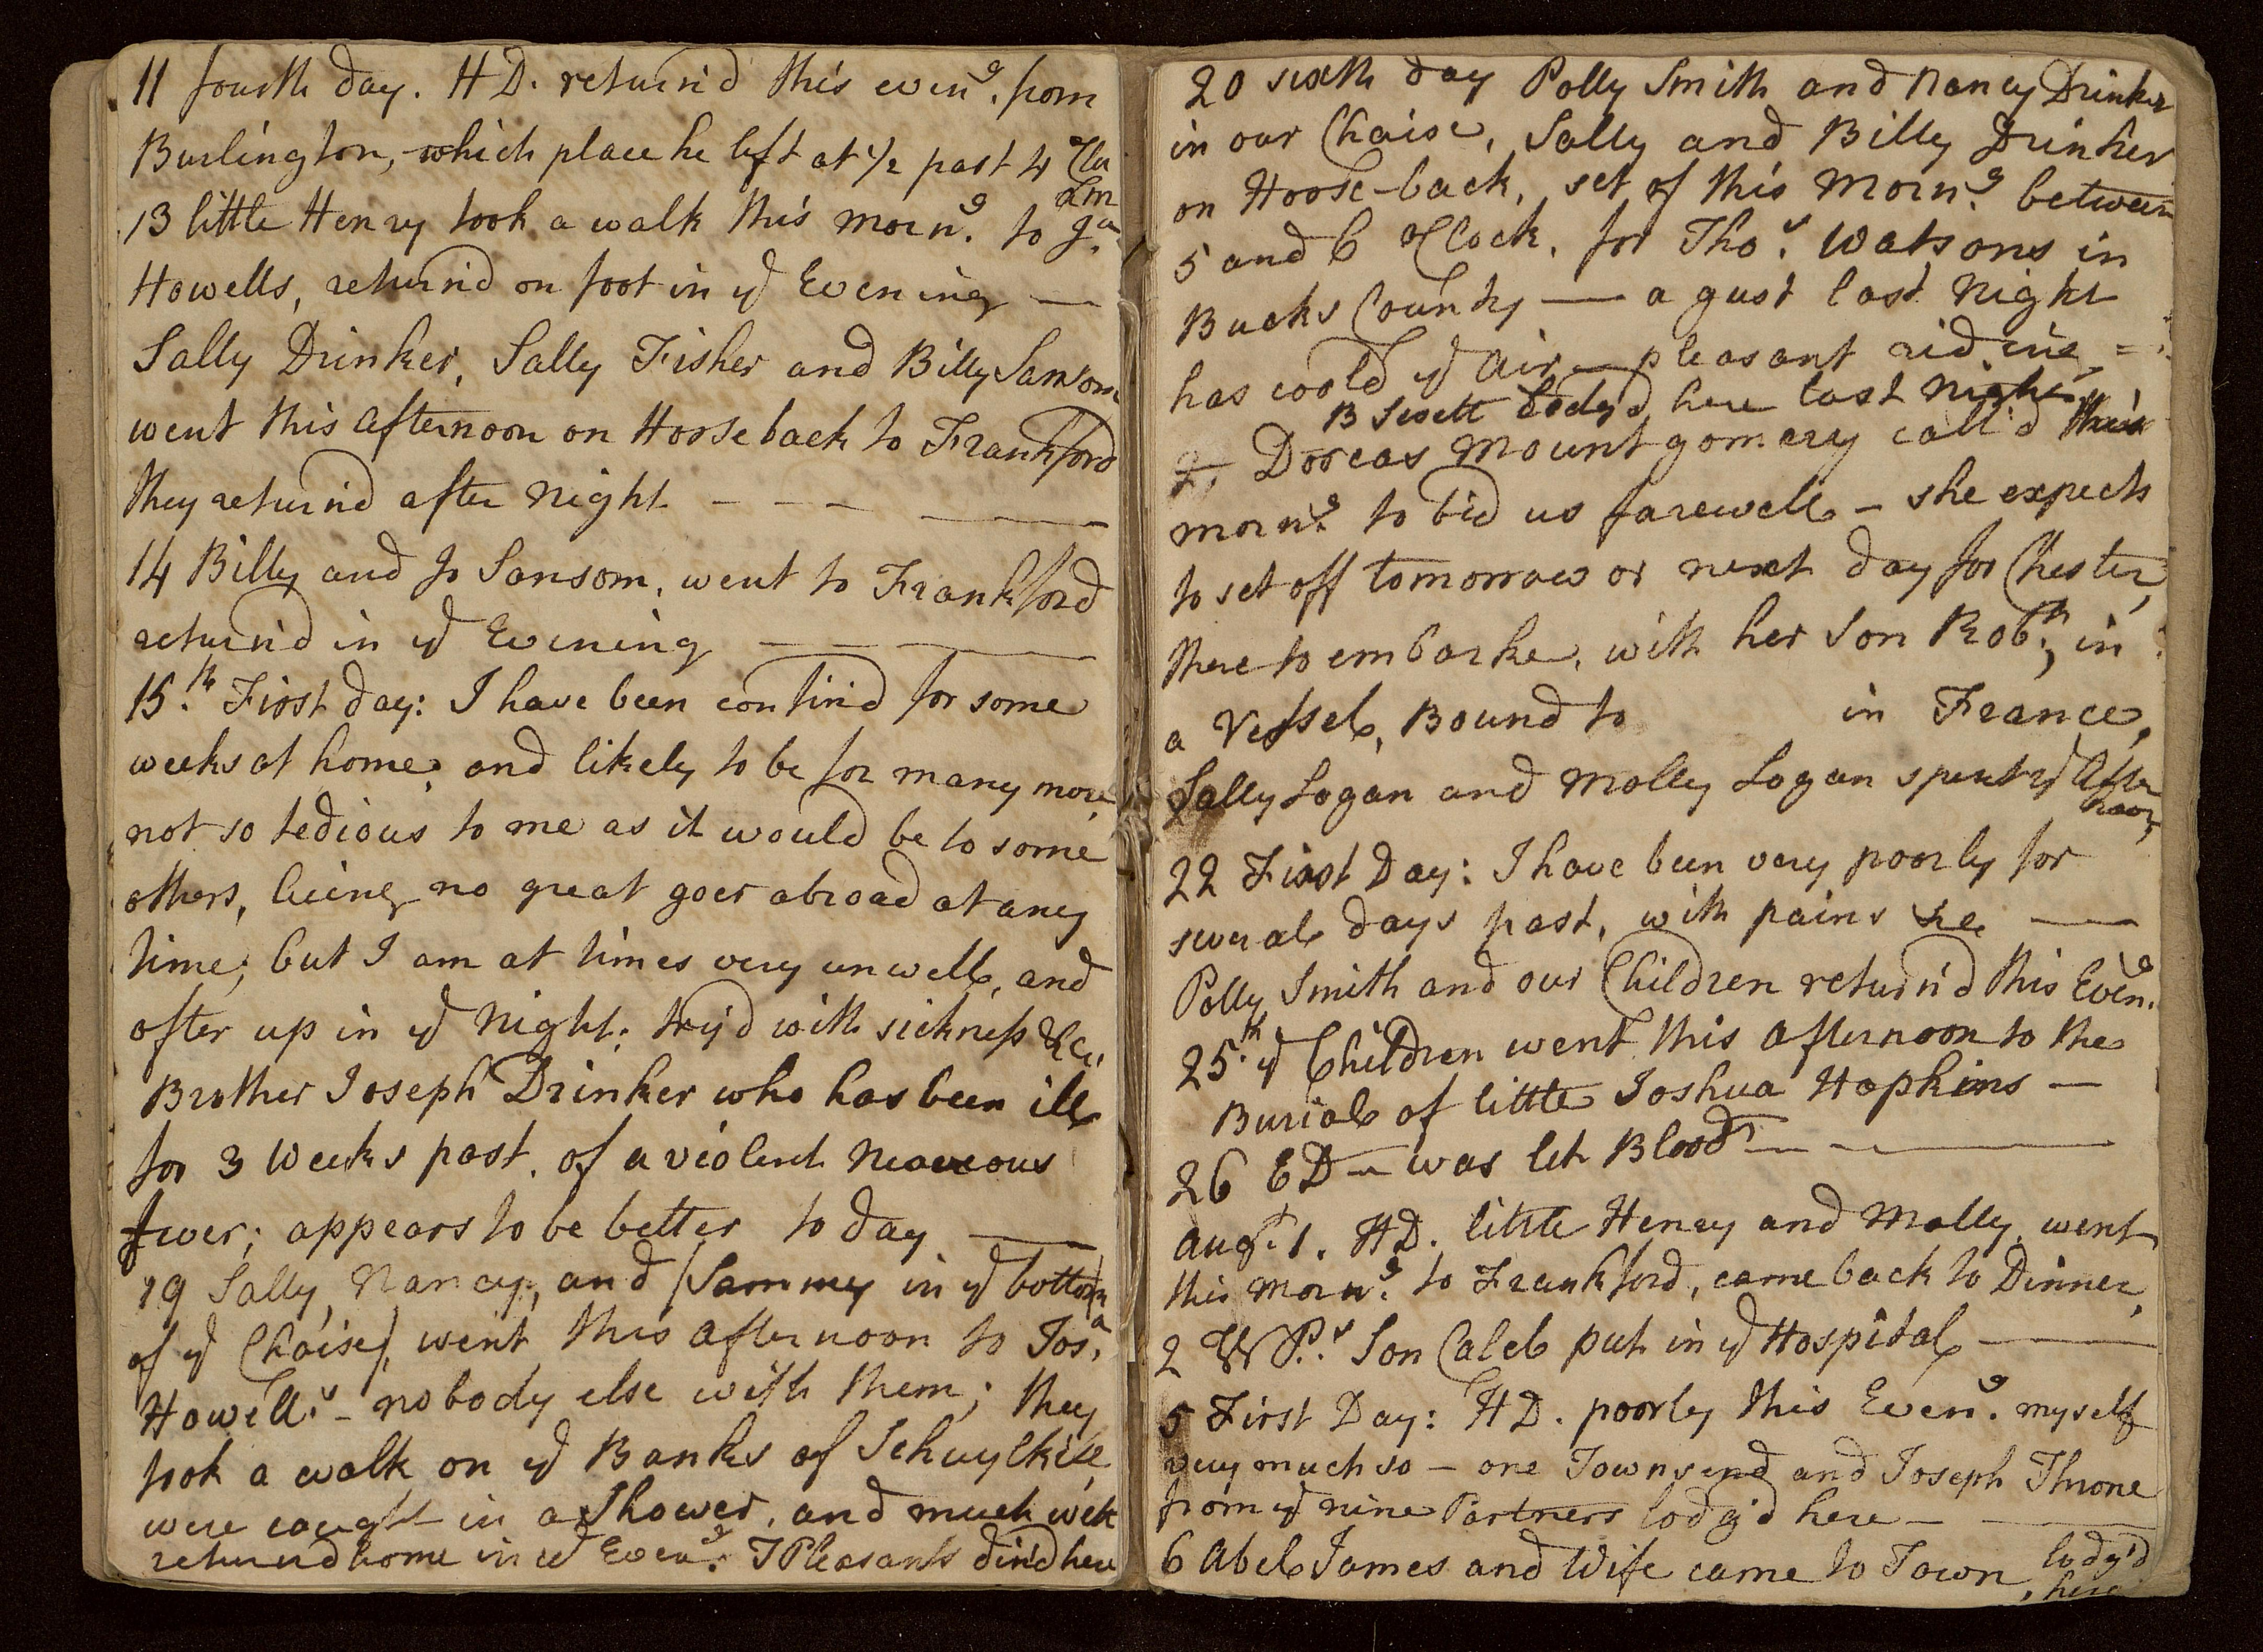11 fourth day. HD: return'd this even^g. from
Burlington, which place he left at 1/2 past 4 Clu
am
13 little Henry took a walk this morn^g to J^a.
Howells, return'd on foot in y^e Evening-
Sally Drinker, Sally Fisher and Billy Sansom
went this Afternoon on Horse back to Frankford
they return'd after Night---
14 Billy and Jo Sansom, went to Frankford
return'd in y^e Evening
15^th. First day: I have been confin'd for some
weeks at home and likely to be for many more
not so tedious to me as it would be to some
others, being no great goer abroad at any
Time, but I am at times very unwell, and
after up in y^e night. try'd with sickness &c
Brother Joseph Drinker who has been ill
for 3 Weeks past, of a violent nervous
fever; appears to be better to day-
19 Sally Nancy, and /Sammy in y^e bottom
of y^e Chaise/ went this afternoon to Jos^a,
Howell^s- nobody else with them; they
took a walk on y^e Banks of Schuylkill
were caught in a Shower, and much wett
returnd home in y^e Even.^g J Pleasants din'd here
20 sixth day Polly Smith and Nancy Drinker
in our Chaise, Sally and Billy Drinker
on Hoose-back, set of this morn^g. between
5 and 6 ^o Clock, for Tho^s. Watsons in
Bucks County- a gust last night
has coold y^e Air,- pleasant riding-
B Sisett lodg'd here last night
21. Dorcas Mountgomery call'd this
morn^g to bid us farewell- she expects
to set off tomorrow or next day for Chester,
there to embarke, with her son Rob^t, in
a Vessel, Bound to in France,
Sally Logan and Molly Logan spent y^e After
noon
22 First Day: I have been very poorly for
several days past, with pains &c-
Pally Smith and our Children return'd this Even^g.
25^th y^e Children went this Afternoon to the
Burial of little Joshua Hopkins-
26 ED- was let Blood--
Aug^t. 1. HD. little Henry and Molly, went
this morn^g. To Frankford, came back to Dinner,
2 W P^s. Son Caleb put in y^e Hospital-
5 First Day: HD poorly this Even^g. myself
very much so- one Townsend and Joseph Throne
from y^e nine Partners lodg'd here--
6 Abel James and Wife came to Town, ^lodg'd here